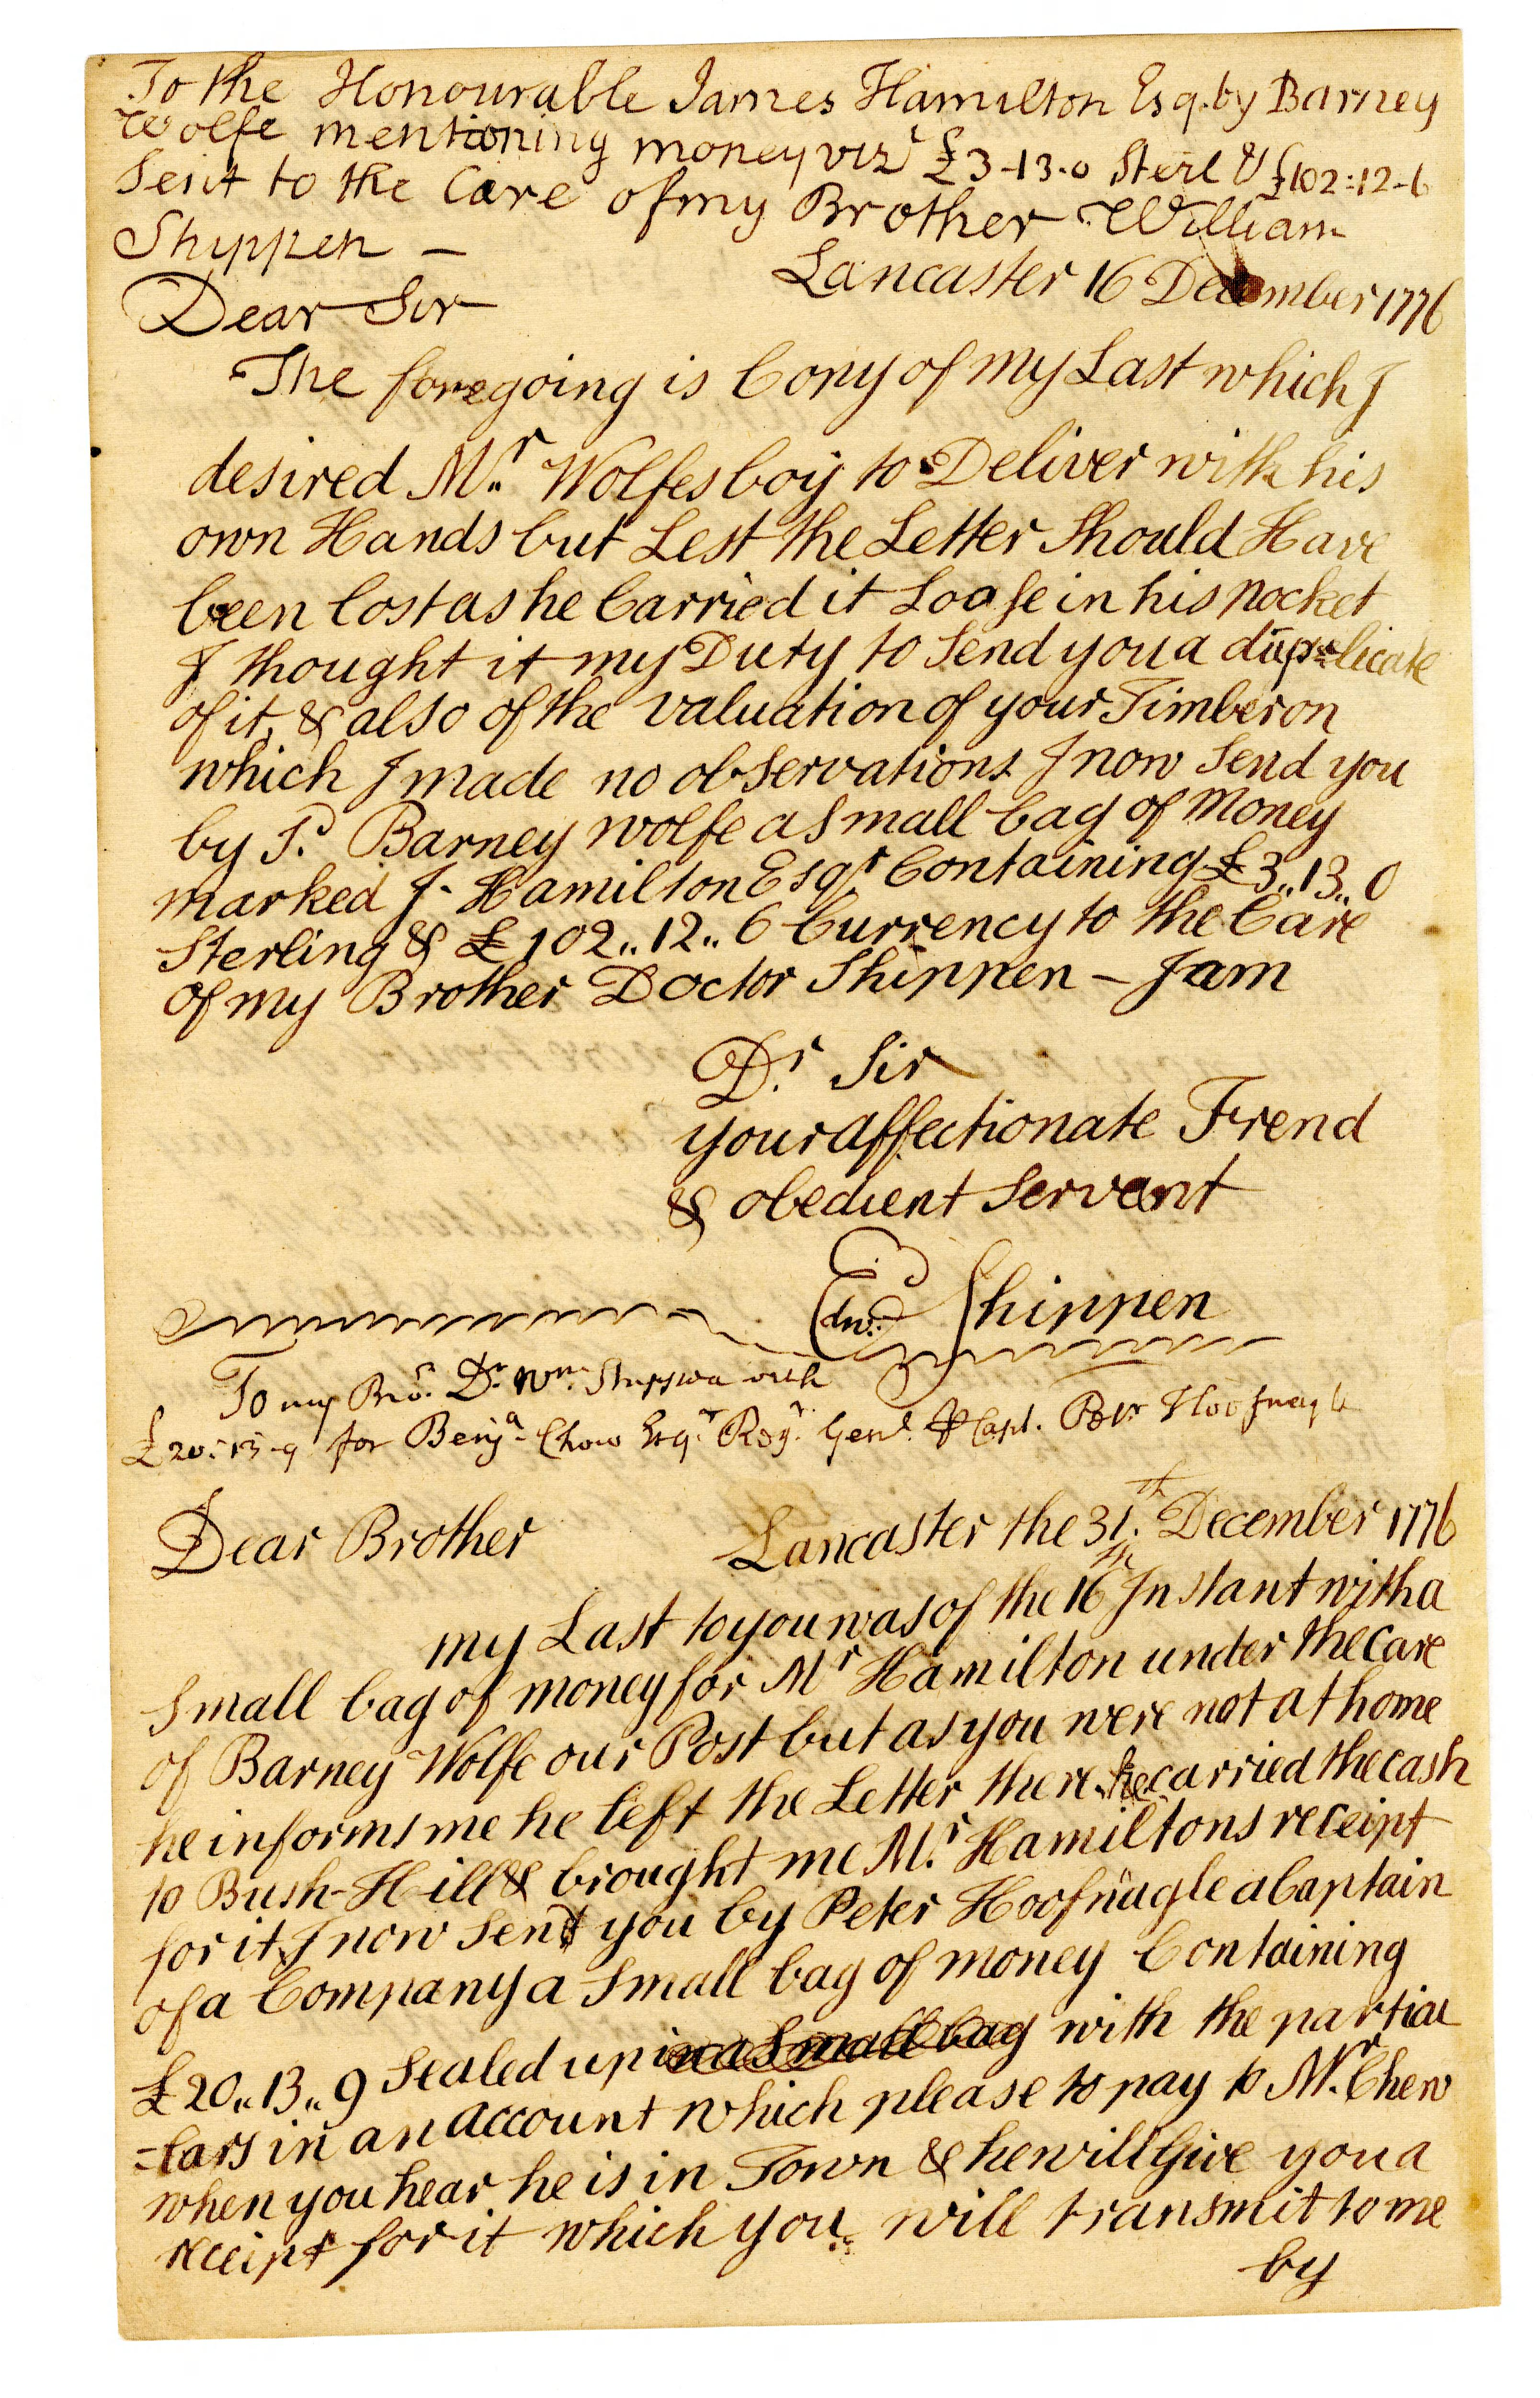To the Honourable James Hamilton Esq by Barney
Wolfe mentioning money viz^t £3.13.0 Sterl & £102..12.6
Sent to the Care of my Brother William
Shippen-
Lancaster 16 December 1776
Dear Sir
The foregoing is Copy of my Last which I
desired M^r. Wolfes boy to Deliver with his
own Hands but Lest the Letter Should Have
been lost as he Carried it Loose in his pocket
I thought it my Duty to send you a duplicate
of it, & also of the valuation of your Timber on
which I made no observations I now Send you
by J^d. Barney Wolfe a Small bag of Money
Marked J. Hamilton Esq.^r Containing £3..13..0
Sterling & £102..12..6 Currency to the Care
of my Brother Doctor Shippen
-I am
D^r. Sir
Your affectionate Frend
& obedient Servant
Edw:^d Shippen
To my Bro^r. D^r. W^m. Shippen with
£20..13.9 for Benj^a. Chew Esq^r. Reg^r. Genl. per Capt. Pet^r. Hoofnagle
Lancaster the 31^th. December 1776
Dear Brother
My Last to you was of the 16^th Instant with a
Small bag of money for M^r Hamilton under the Care
of Barney Wolfe our Post but as you were not at home
he informs me he left the Letter then he carried the cash
to Bush Hill & brought me M^r. Hamiltons receipt
for it I now send you by Peter Hoofnagle a Captain
of a Company a Small bay of Money Containing
£20..13..9 Sealed up [in a Small bag] with the partial
-lars in an Account which please to pay to M^r. Chew
when you hear he is in Town & he will give you a
receipt for it which you will transmit to me
by